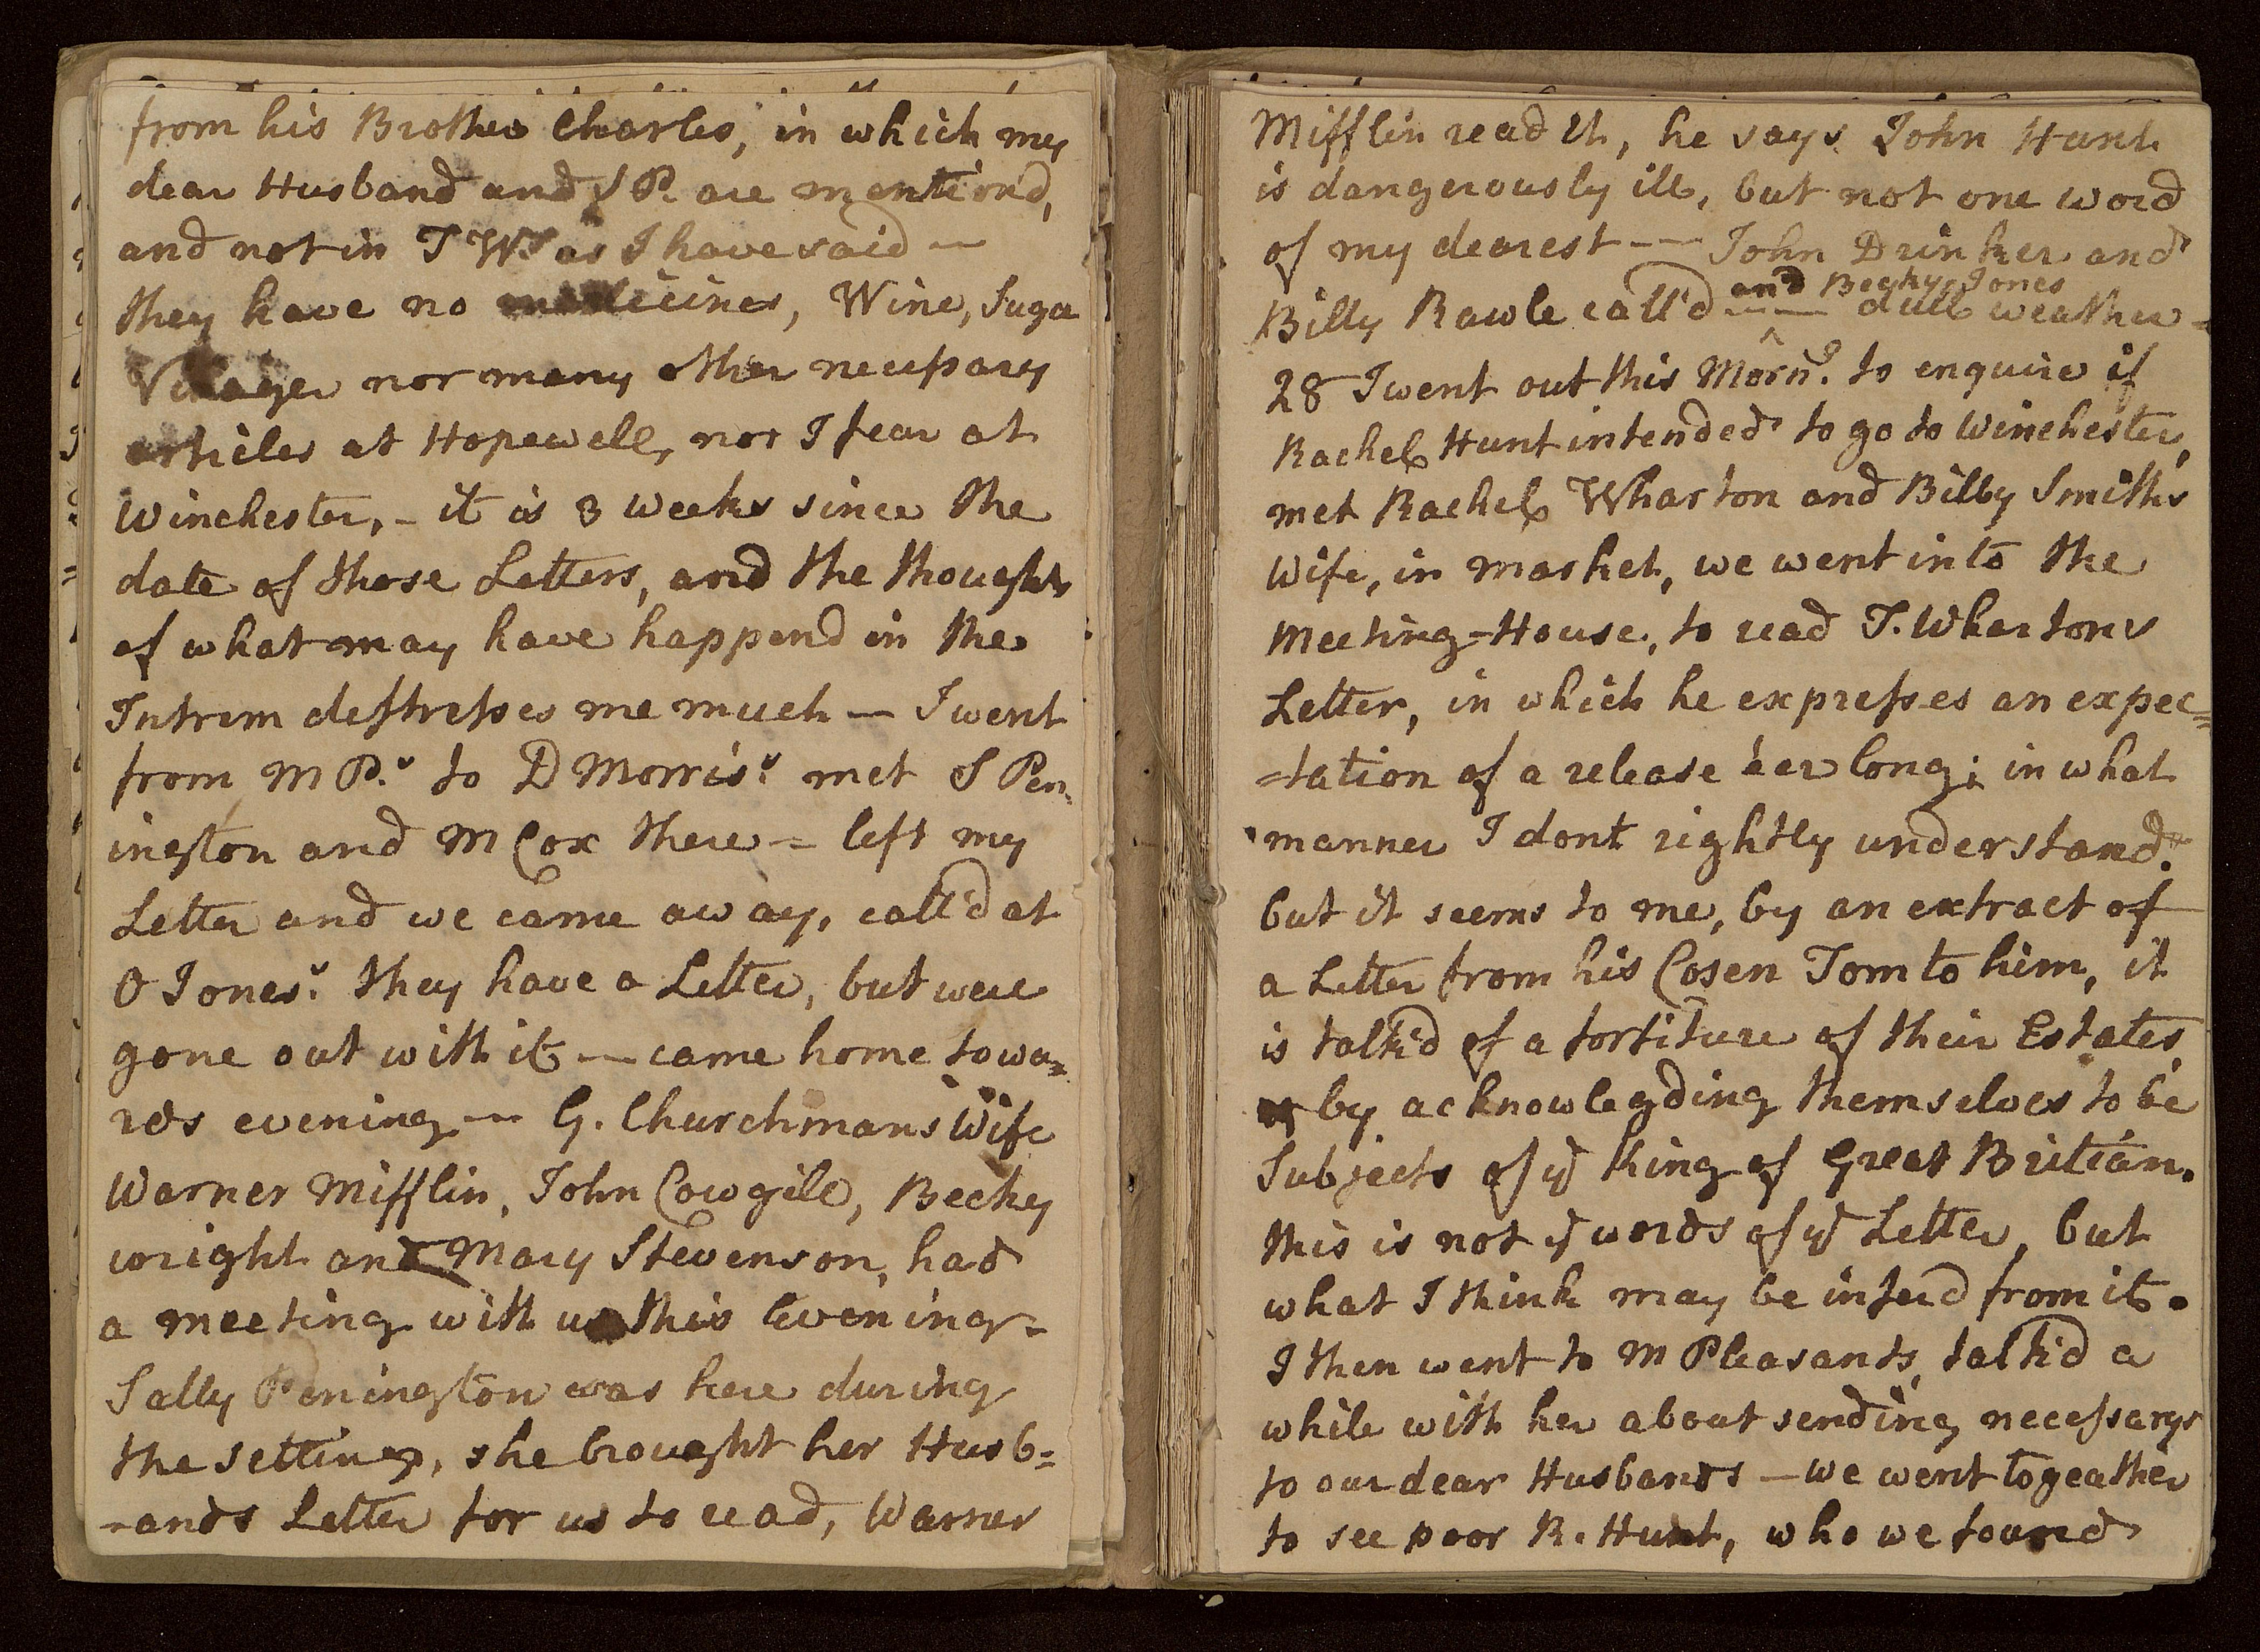from his Brother Charles, in which my
dear Husband and S P. are mention'd,
and not in TW as I have said-
they have no medicine, Wine, Suga
Vinager nor many other necessary
articles at Hopewell, nor I fear at
Winchester,- it is 3 weeks since the
date of those Letters, and the thought
of what may have happend in the
Intrim destreses me much- I went
from M P^s. to D Morris^s. met S Pen-
ington and M Cox there- left my
Letter and we came away, call'd at
O Jones^s. they have a Letter, but were
gone out with it- came home towa-
rds evening- G. Churchmans wife
Warner Mifflin, John Cowgill, Becky
wright and Mary Stevenson, had
a meeting with us this Evening.
Sally Penington was here during
the setting, she brought her Husb-
-ands Letter for us to read, Warner
Mifflin read it, he says John Hank
is dangerously ill, but not one word
of my dearest-- John Drinker and
and Becky Jones
Billy Bawle call'd-- ^ dull weather
28 I went out this Morn^g. to enquire if
Rachel Hunt intended to go to Winchester,
met Rachel Wharton and Billy Smiths
Wife, in market, we went into the
meeting-House, to read T. Whartons
Letter, in which he expresses an expec-
-tation of a release [fer] long; in what
manner I dont rightly understand.
but it seems to me, by an extract of
a Letter from his Cosen Tom to him, it
is talk'd of a fortiture of their Estates
[_] by acknowlegding themselves to be
Subjects of y^e king of Great Britian.
this is not y^e words of y^e Letter, but
what I think may be inferd from it.
I then went to M Pleasants talk'd a
while with her about sending necessarys
so our dear Husbands- we went togeather
to see poor R. Hunt, who we found